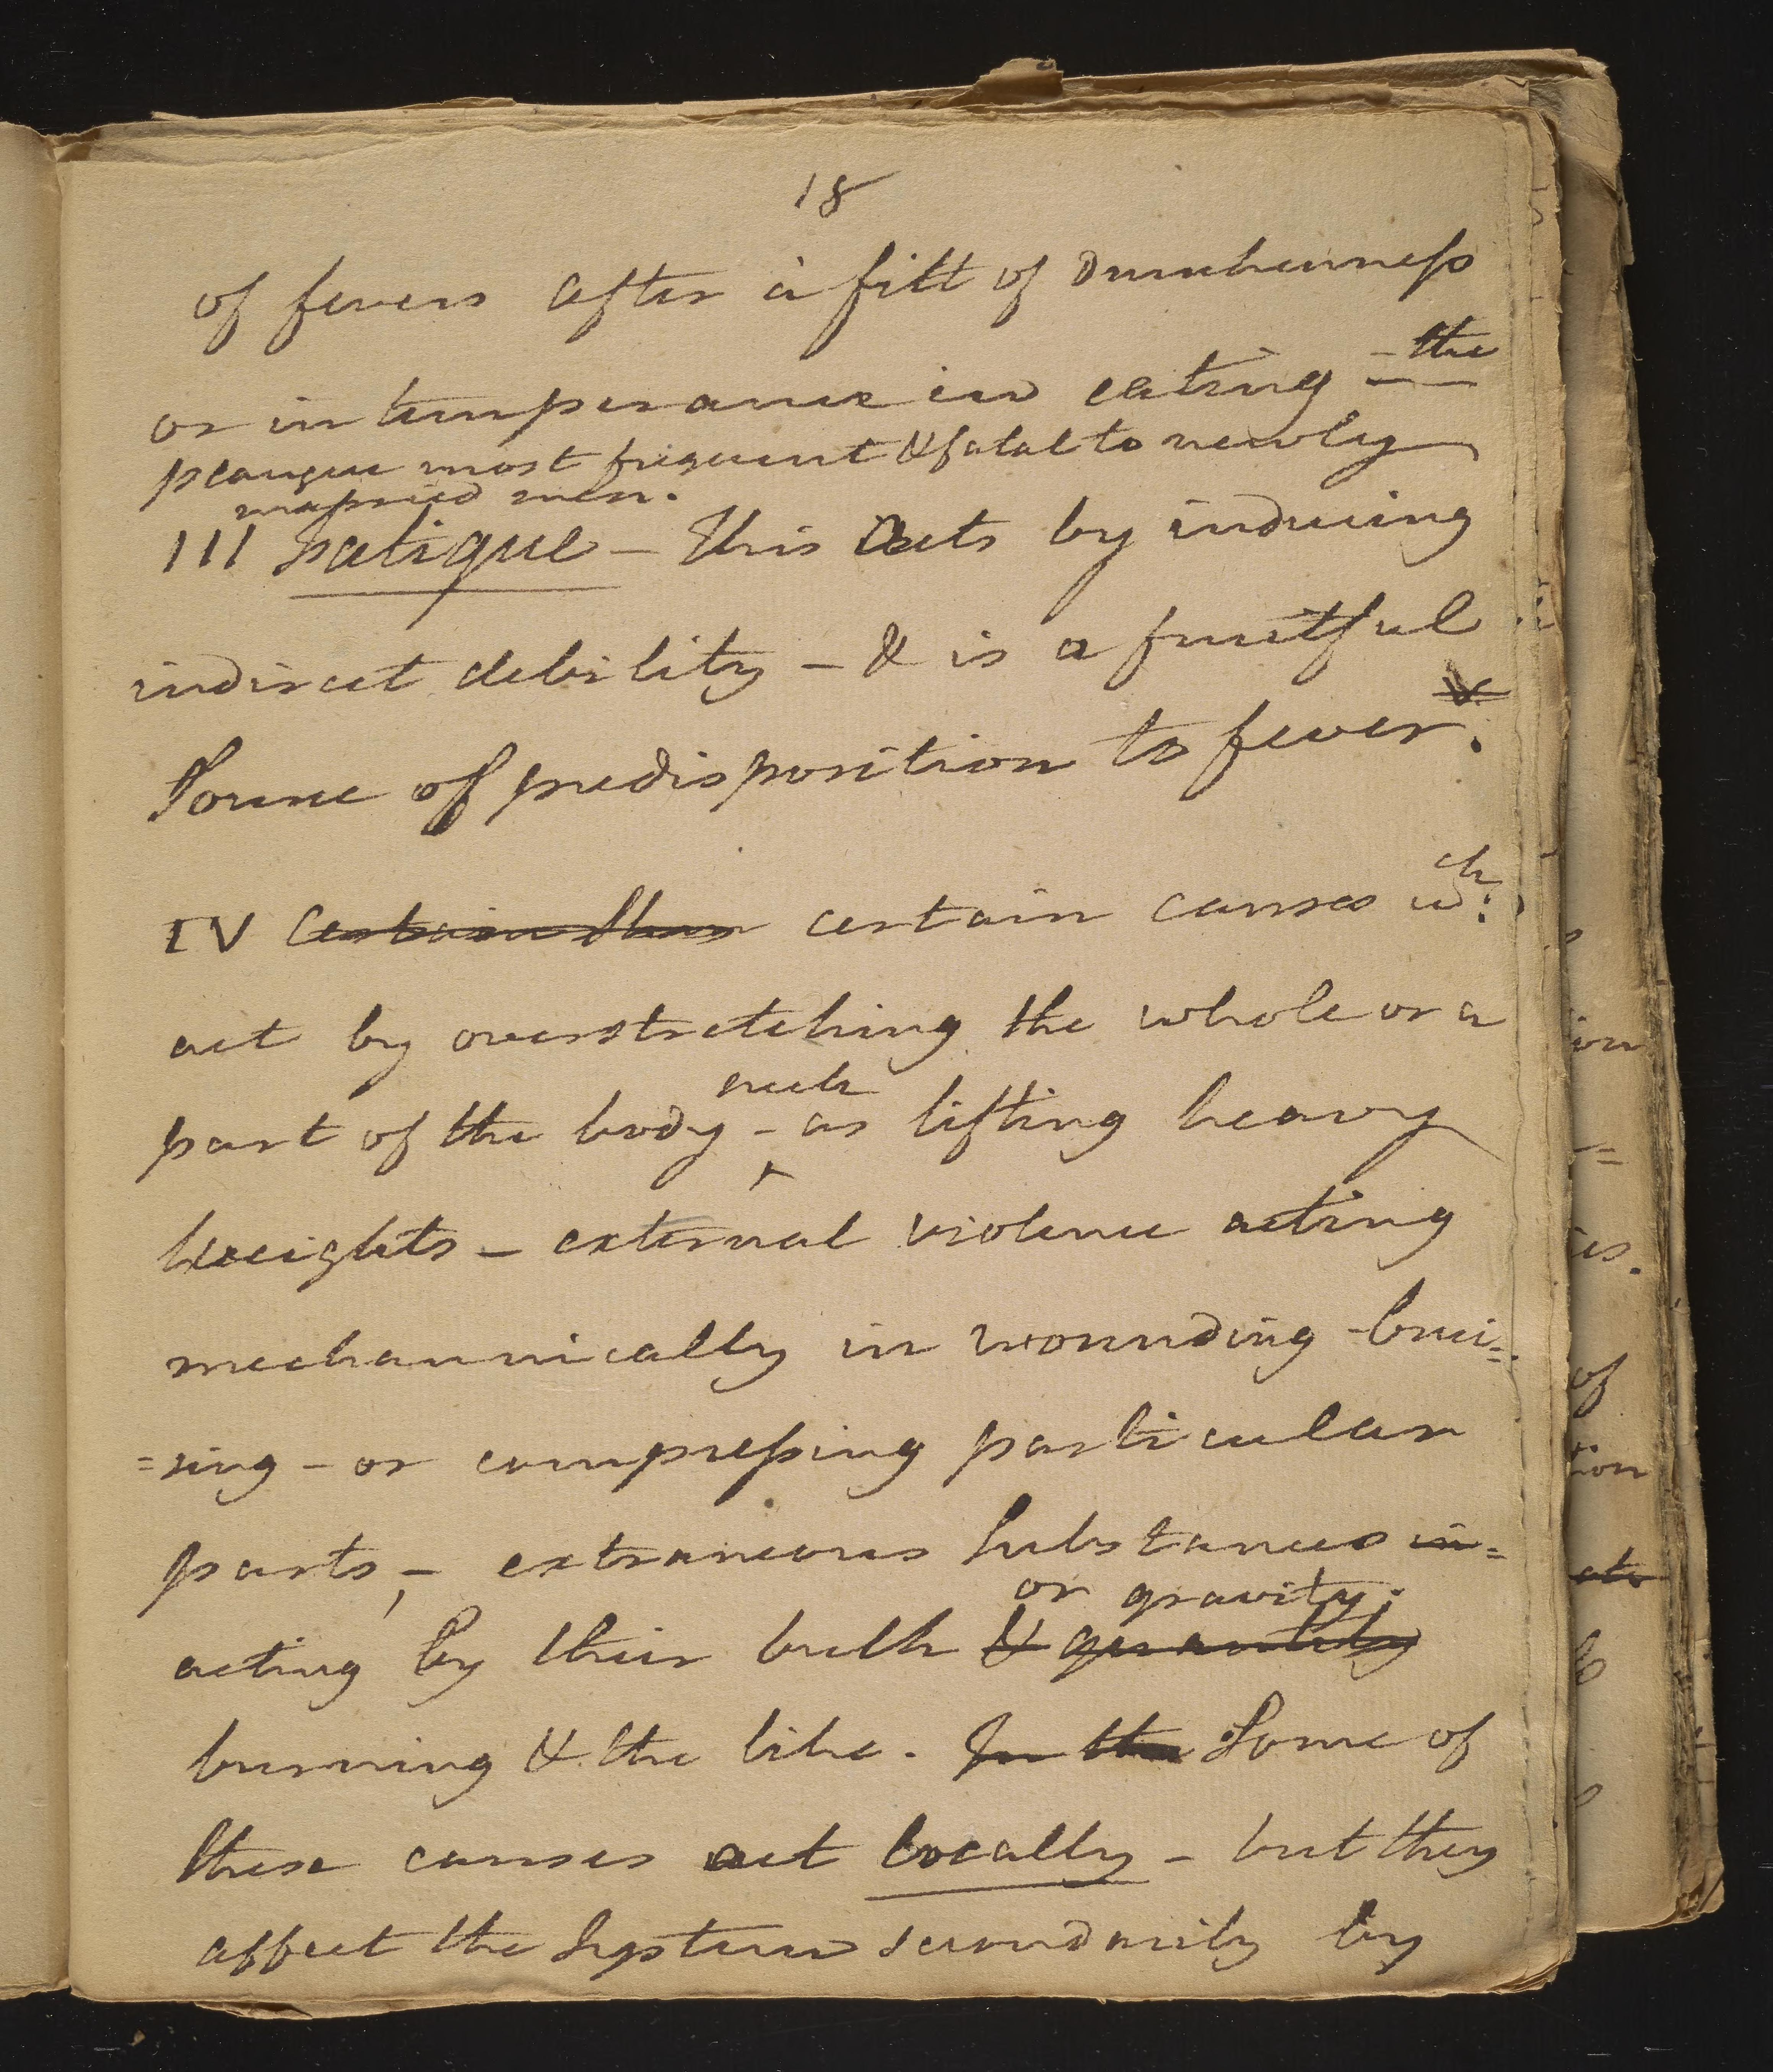18
of fevers after a fitt of drunkenness
or intemperance in eating the
plagues most frequent & fatal to nearly
married men
III Fatigue - This acts by inducing
indirect debility, & is a fruitful
source of predisposition to fever.
IV [Certain Sh__] certain causes w^ch:
act by overstretching the whole or a
much
part of the body ^ as lifting heavy
weights, external violence acting
much anemically in wounding, brui-
-sing- or compressing particular
parts, extreneous substances in
or gravity
acting by their bulk [& quantity]
burning & the like. [In] [the] Some of
these causes act locally, but they
affect the system secondarily by